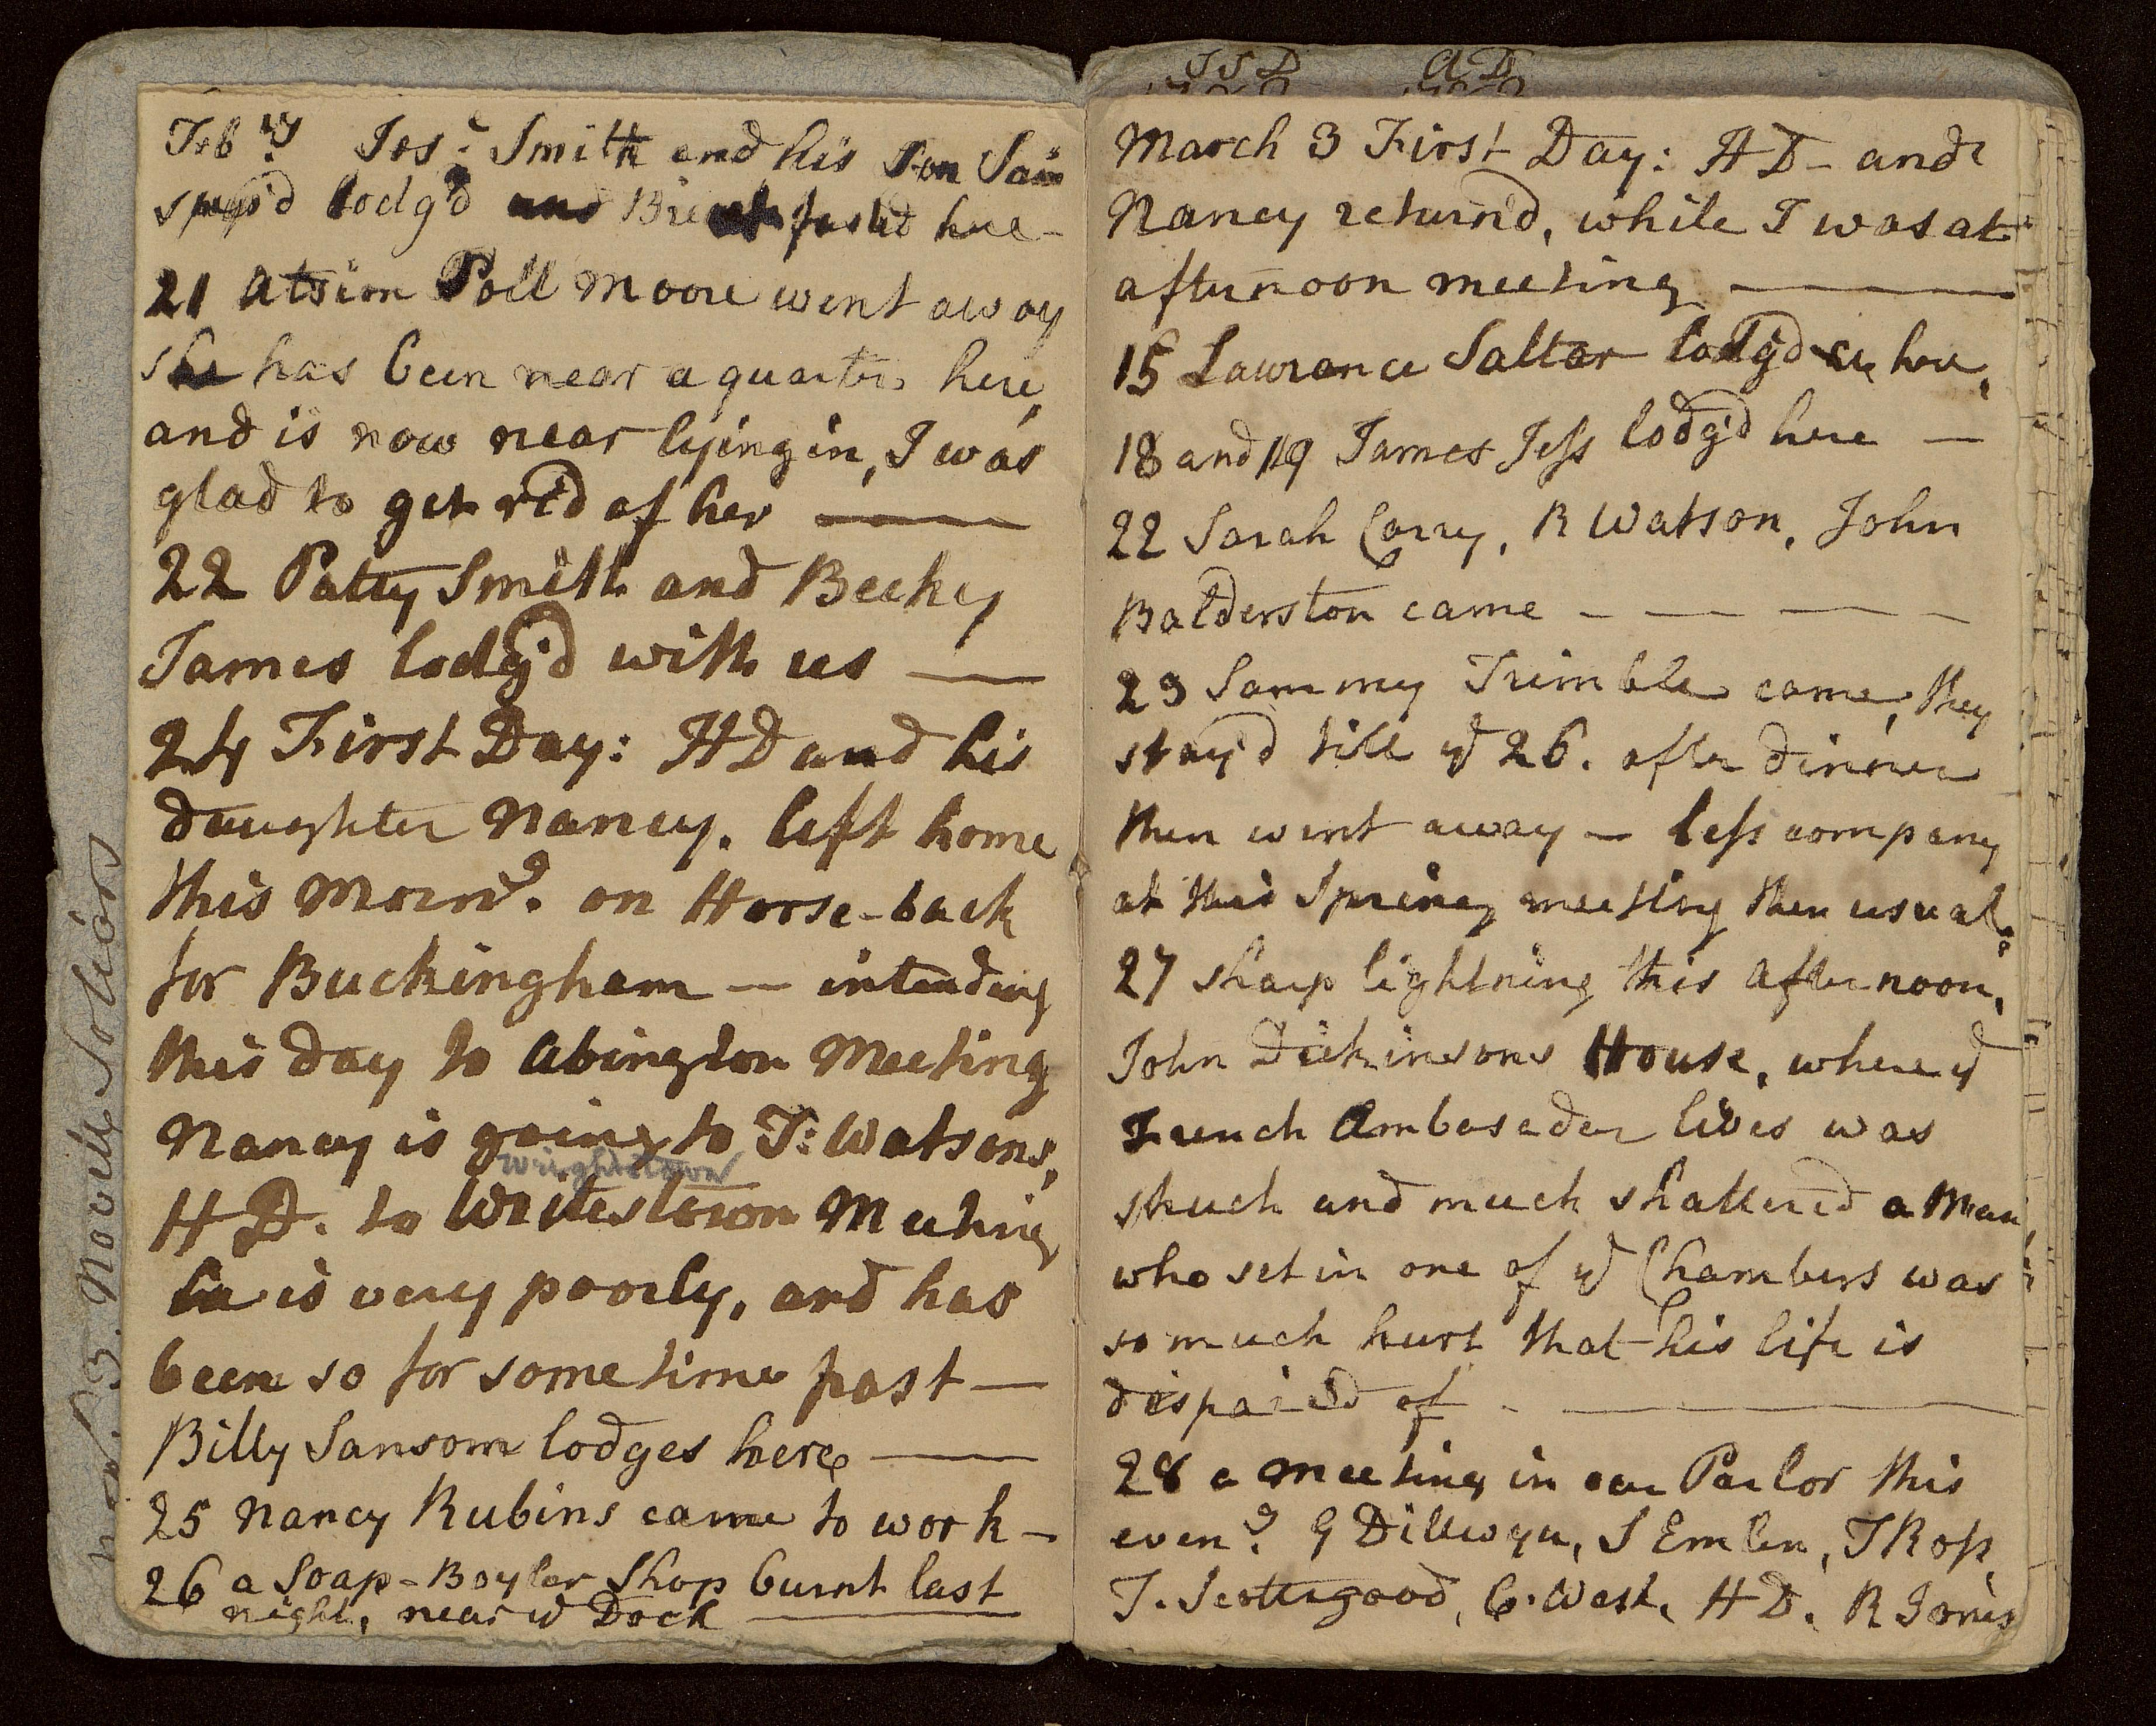Feb^ry. Jos^e. Smith and his Son Sam^l
sup'd lodg'd and Breakfasted here-
21 Atsion Poll Moore went away
she has been near a quarter here,
and is now near lying in, I was
glad to get rid of her-
22 Patty Smith and Becky
James lodg'd with us-
24 First Day: HD and his
daughter Nancy. left home
this Morn^g. on Horse-back
for Buckingham- intending
this day to Abington Meeting
Nancy is going to T: Watsons,
HD. to Writestown Meeting
he is very poorly, and has
been so for sometime past-
Billy Sansom lodges here-
25 Nancy Rubins came to work-
26 a Soap- Boylar Shop burnt last
night, near y^e Dock
March 3 First Day: HD- and
nancy return'd, while I was at
afternoon meeting-
15 Lawrance Saltar lodg'd &c here,
18 and 19 James Jess lodg'd here-
22 Sarah Corry, R Watson, John
Balderston came---
23 Sammy Trimble came, they
stay'd till y^e 26. after dinner
then went away- less company
at this Spring meeting than usual
27 sharp lightning this Afternoon,
John Dickinsons House, where y^e
French Ambasader [lives] as
skuch and much shattered a Man
who set in one of y^e Chambers was
so much hurt that his life is
dispair'd of
28 a meeting in our Parlor this
even^g. G Dillwyn, S Emlen, T Ross,
T. Scattergood, C. West. H D. R Jones